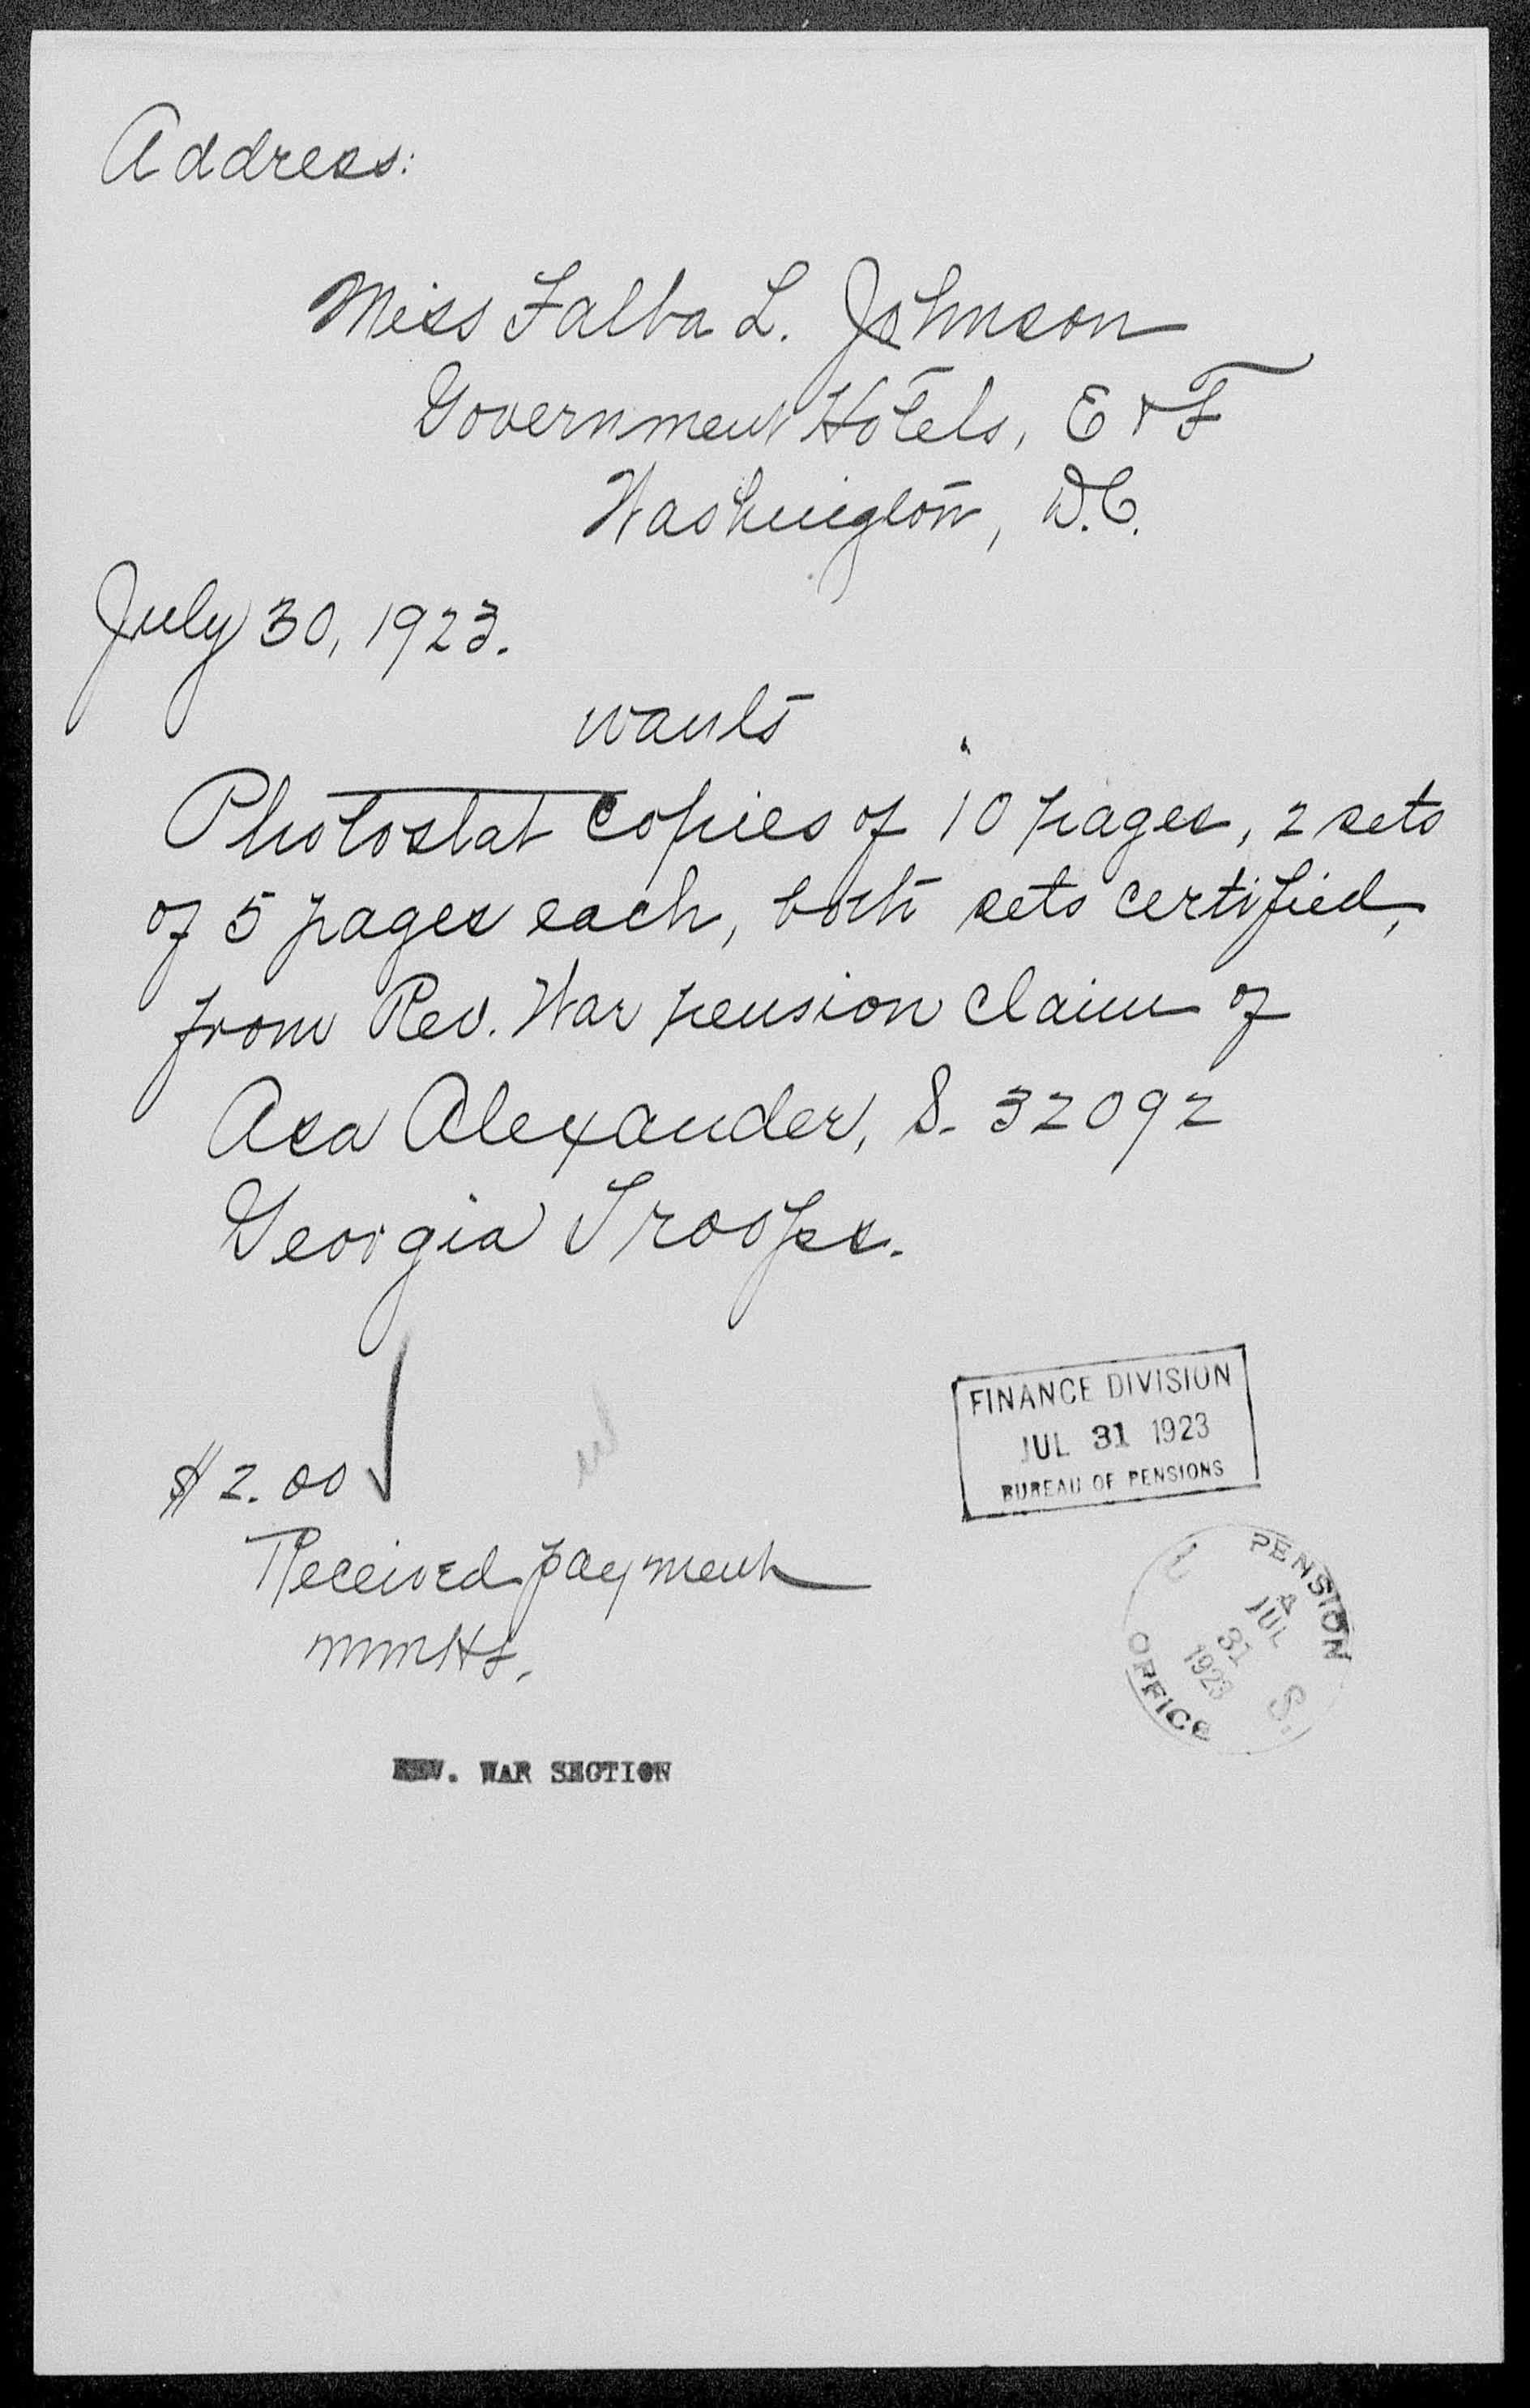Address:

Miss Falba L. Johnson
Government Hotels, E & F
Washington, D.C.

July 30, 1922
Wants
Photostat copies of 10 pages, 2 sets 
of 5 pages each, both sets certified, 
from Rev. War pension claims of 
Asa Alexander, S.32092
Georgia Troops.

$2.00 Received payment MM[illegible]
REV. WAR SECTION

[Stamped bottom right: "FINANCE DIVISION JUL 31 1932 BUREAU OF PENSIONS"]

[Stamped bottom right: "US PENSION OFFICE A JUL 31 1923"]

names: Falba L Johnson, Asa Alexander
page: 27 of 35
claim: survivor's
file: S. 32092, Asa Alexander, Ga.